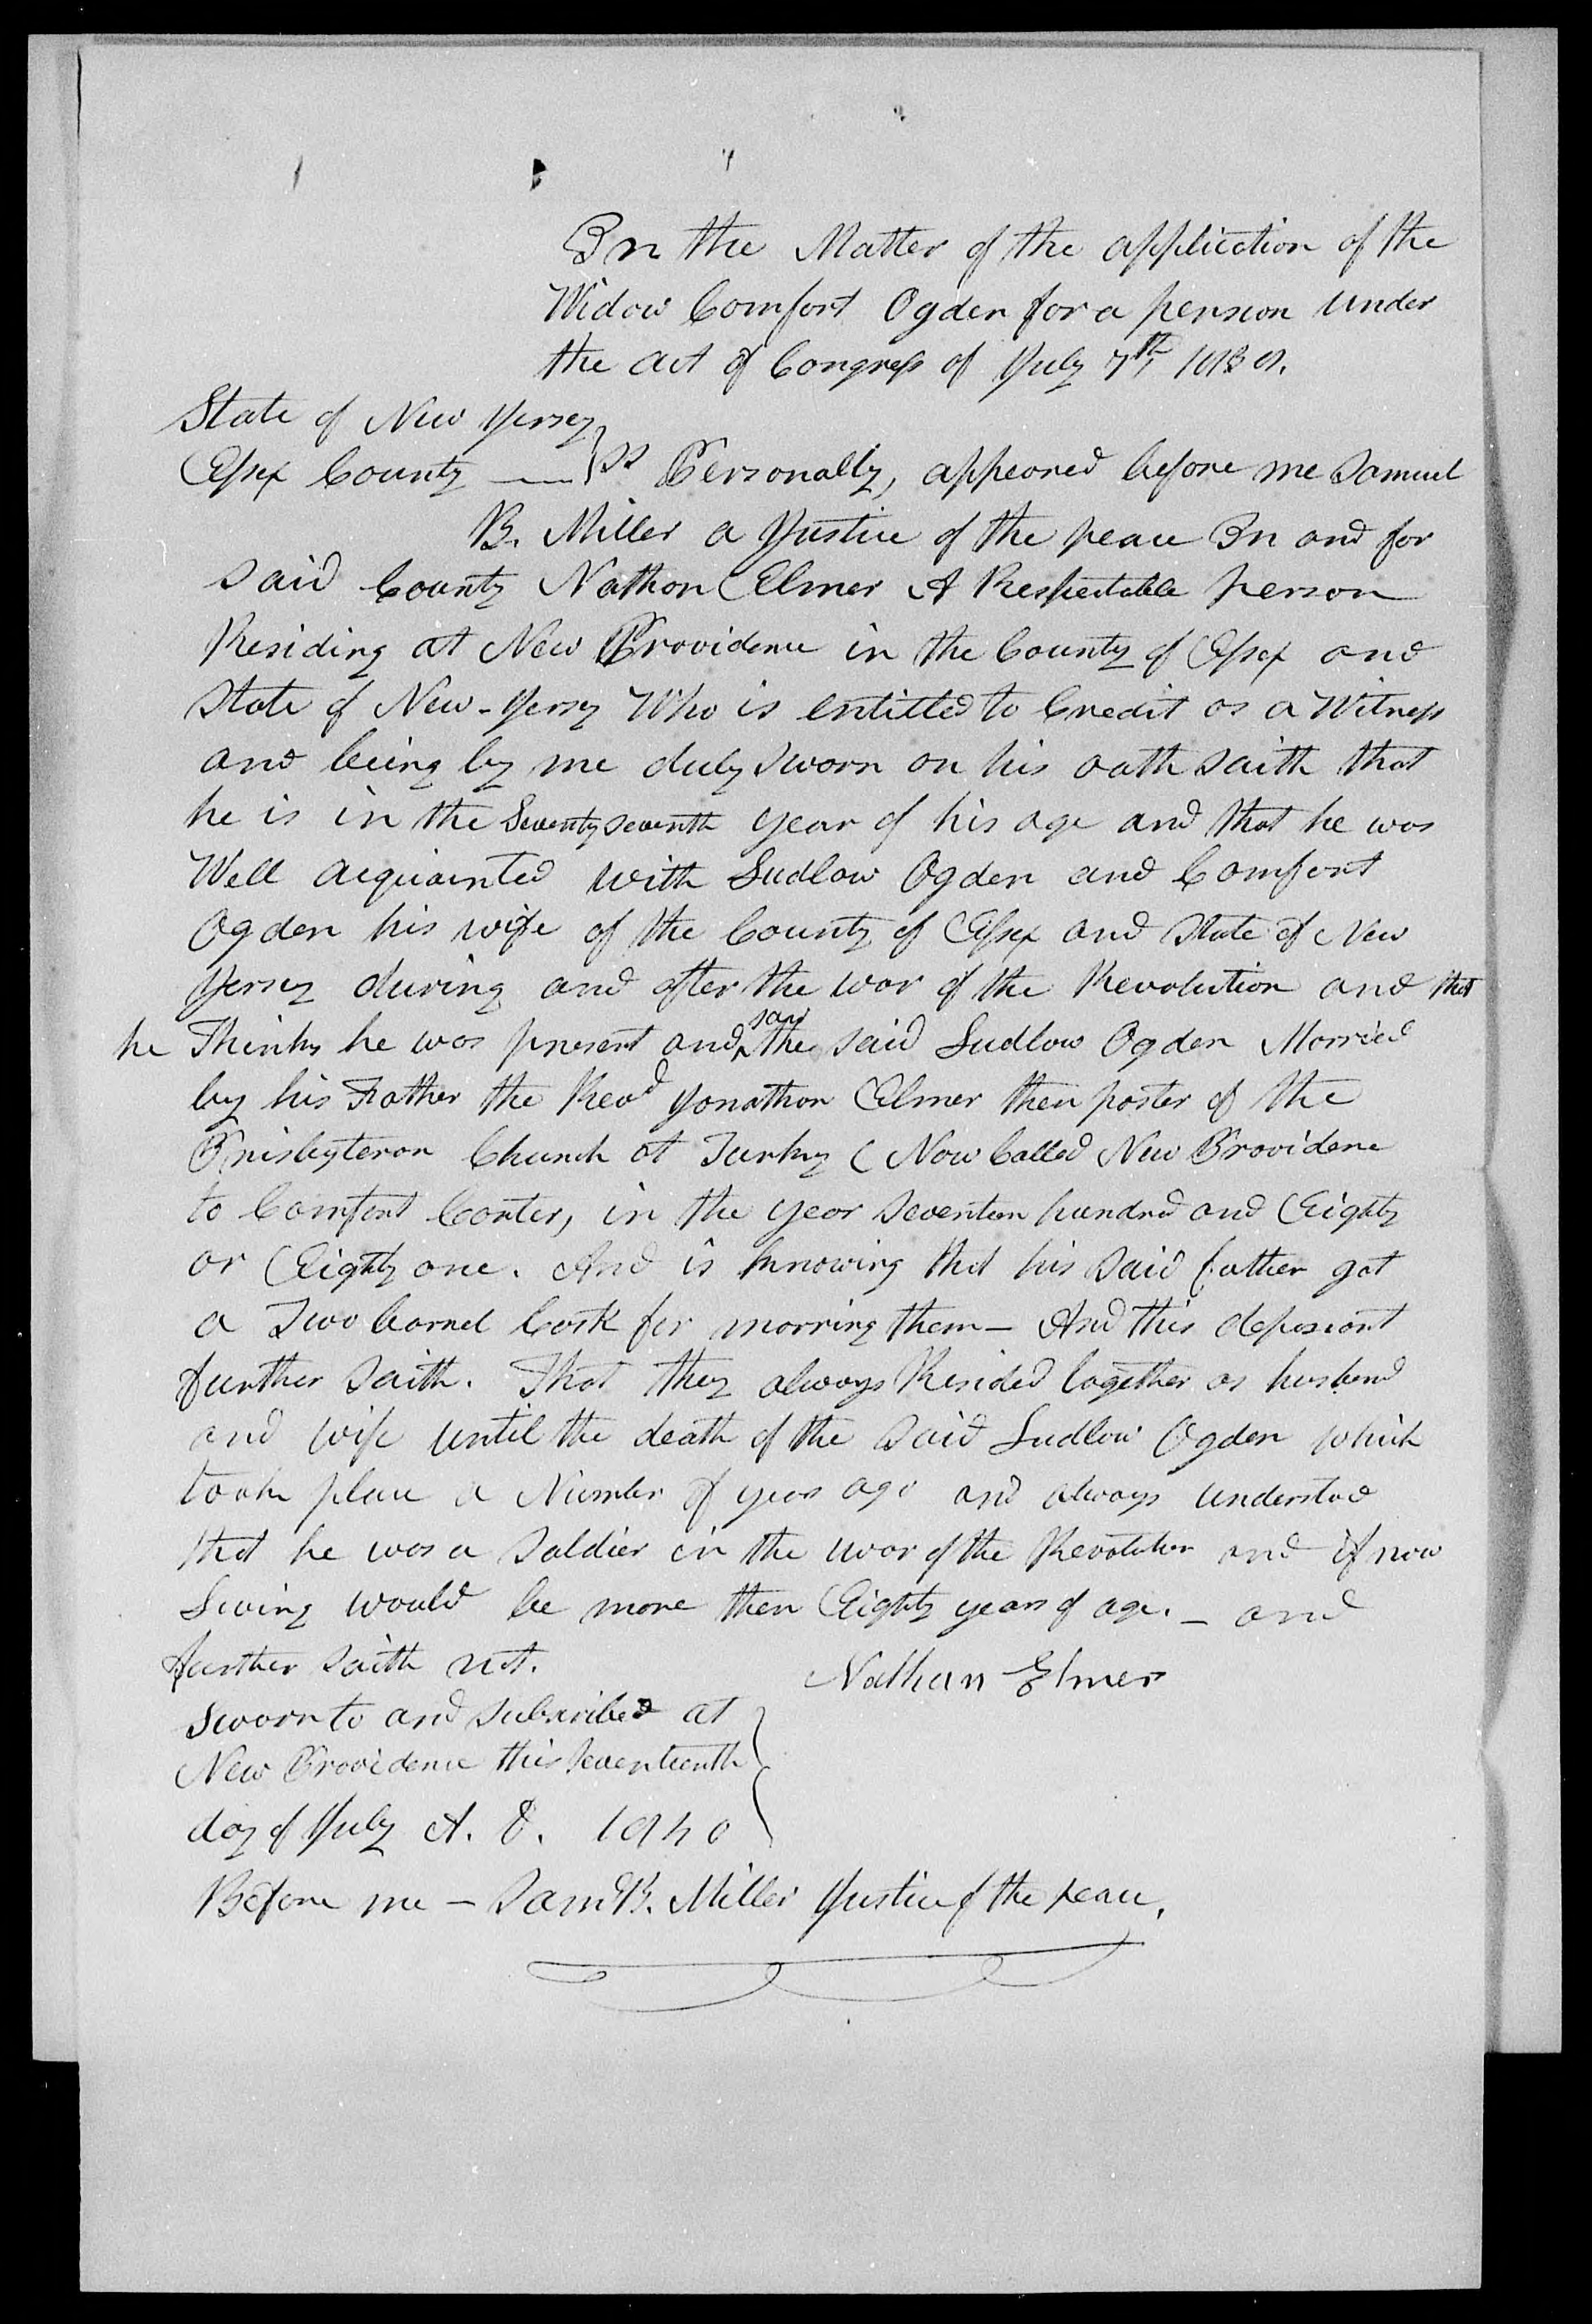In the Matter of the application of the
Widow Comfort Ogden for a pension under
the Act of Congress of July 7th, 1838

State of New Jersey  )
Essex County            )  ss
  Personally, appeared before me Samuel B. Miller a Justice of the peace In and for said County Nathan Elmer A Respectable person Residing at New Providence in the County of Essex and State of New Jersey Who is entitled to Credit as a Witness and being by me duly sworn on his oath saith that he is in the Seventy seventh year of his age and that he was Well acquainted with Ludlow Ogden and Comfort Ogden his wife of the County of Essex and State of New Jersey during and after the war of the Revolution and that he Thinks he was present and saw the said Ludlow Ogden Married by his Father the Revd Jonathan Elmer then paster of the Presbyteran Church at Turkey (Now Called New Providence) to Comfort Carter, in the year Seventeen hundred and Eighty or Eighty one.  And is knowing that his said father got a Two barrel Cork for marring them - And this deponant further saith.  That they always Resided together as husband and wife until the death of the Said Ludlow Ogden which took place a Number of years ago and always understood that he was a soldier in the War of the Revolution and if now Living would be more then Eighty years of age. - and further saith not.
   Nathan Elmer
Sworn to and Subscribed at           )
New Providence this seventeenth  )
day of July A.D. 1840                      )
Before me - Sam B. Miller Justice of the peace.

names: Nathan Elmer; Ludlow Ogden; Jonathan Elmer; Samuel B Miller; Comfort Ogden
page: 9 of 25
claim: widow's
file: W. 187, for Ludlow Ogden, New Jersey